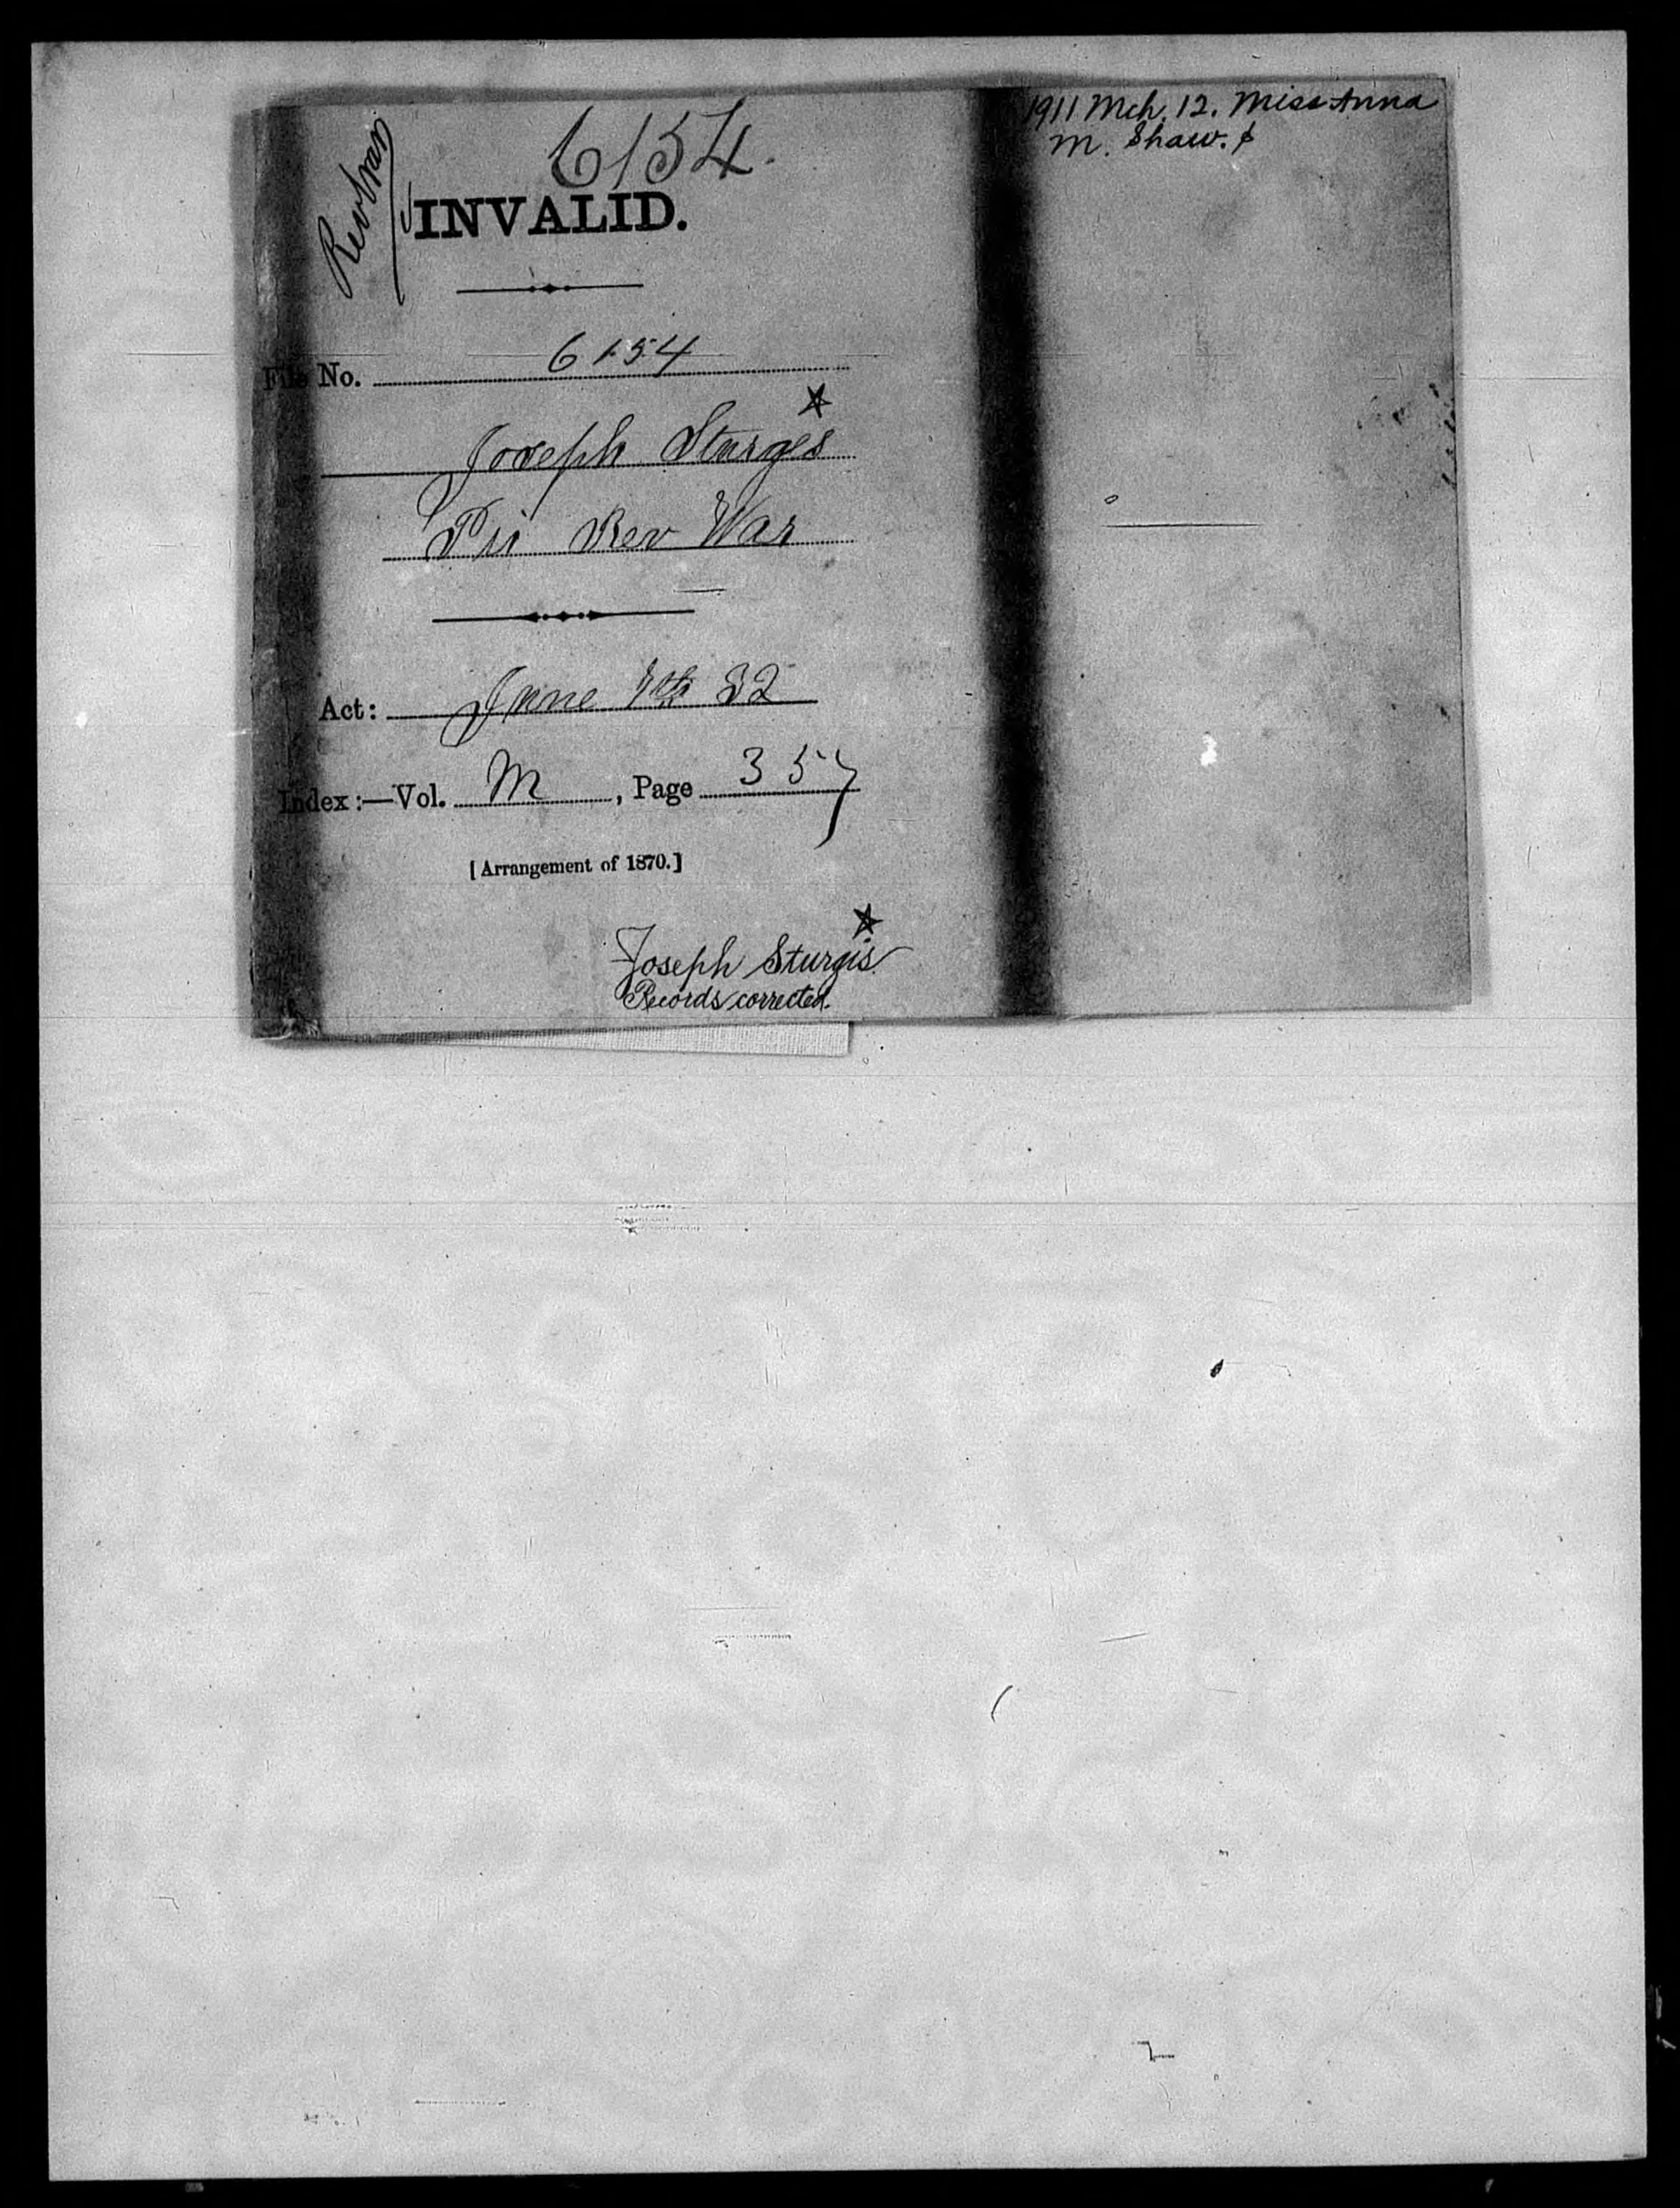Revolutionary
6154.
INVALID
File no. 6154
* Joseph Sturges
Pri  Rev  War
Act:  June 14 32
Index:- Vol. M  Page 359
[Arrangement of 1870]
* Joseph Sturgis
Records corrected
1911 Mch 12 Miss Anna m. Shaw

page: 25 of 31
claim: survivor's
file: S. 6154, for Joseph Sturgis, Pennsylvania